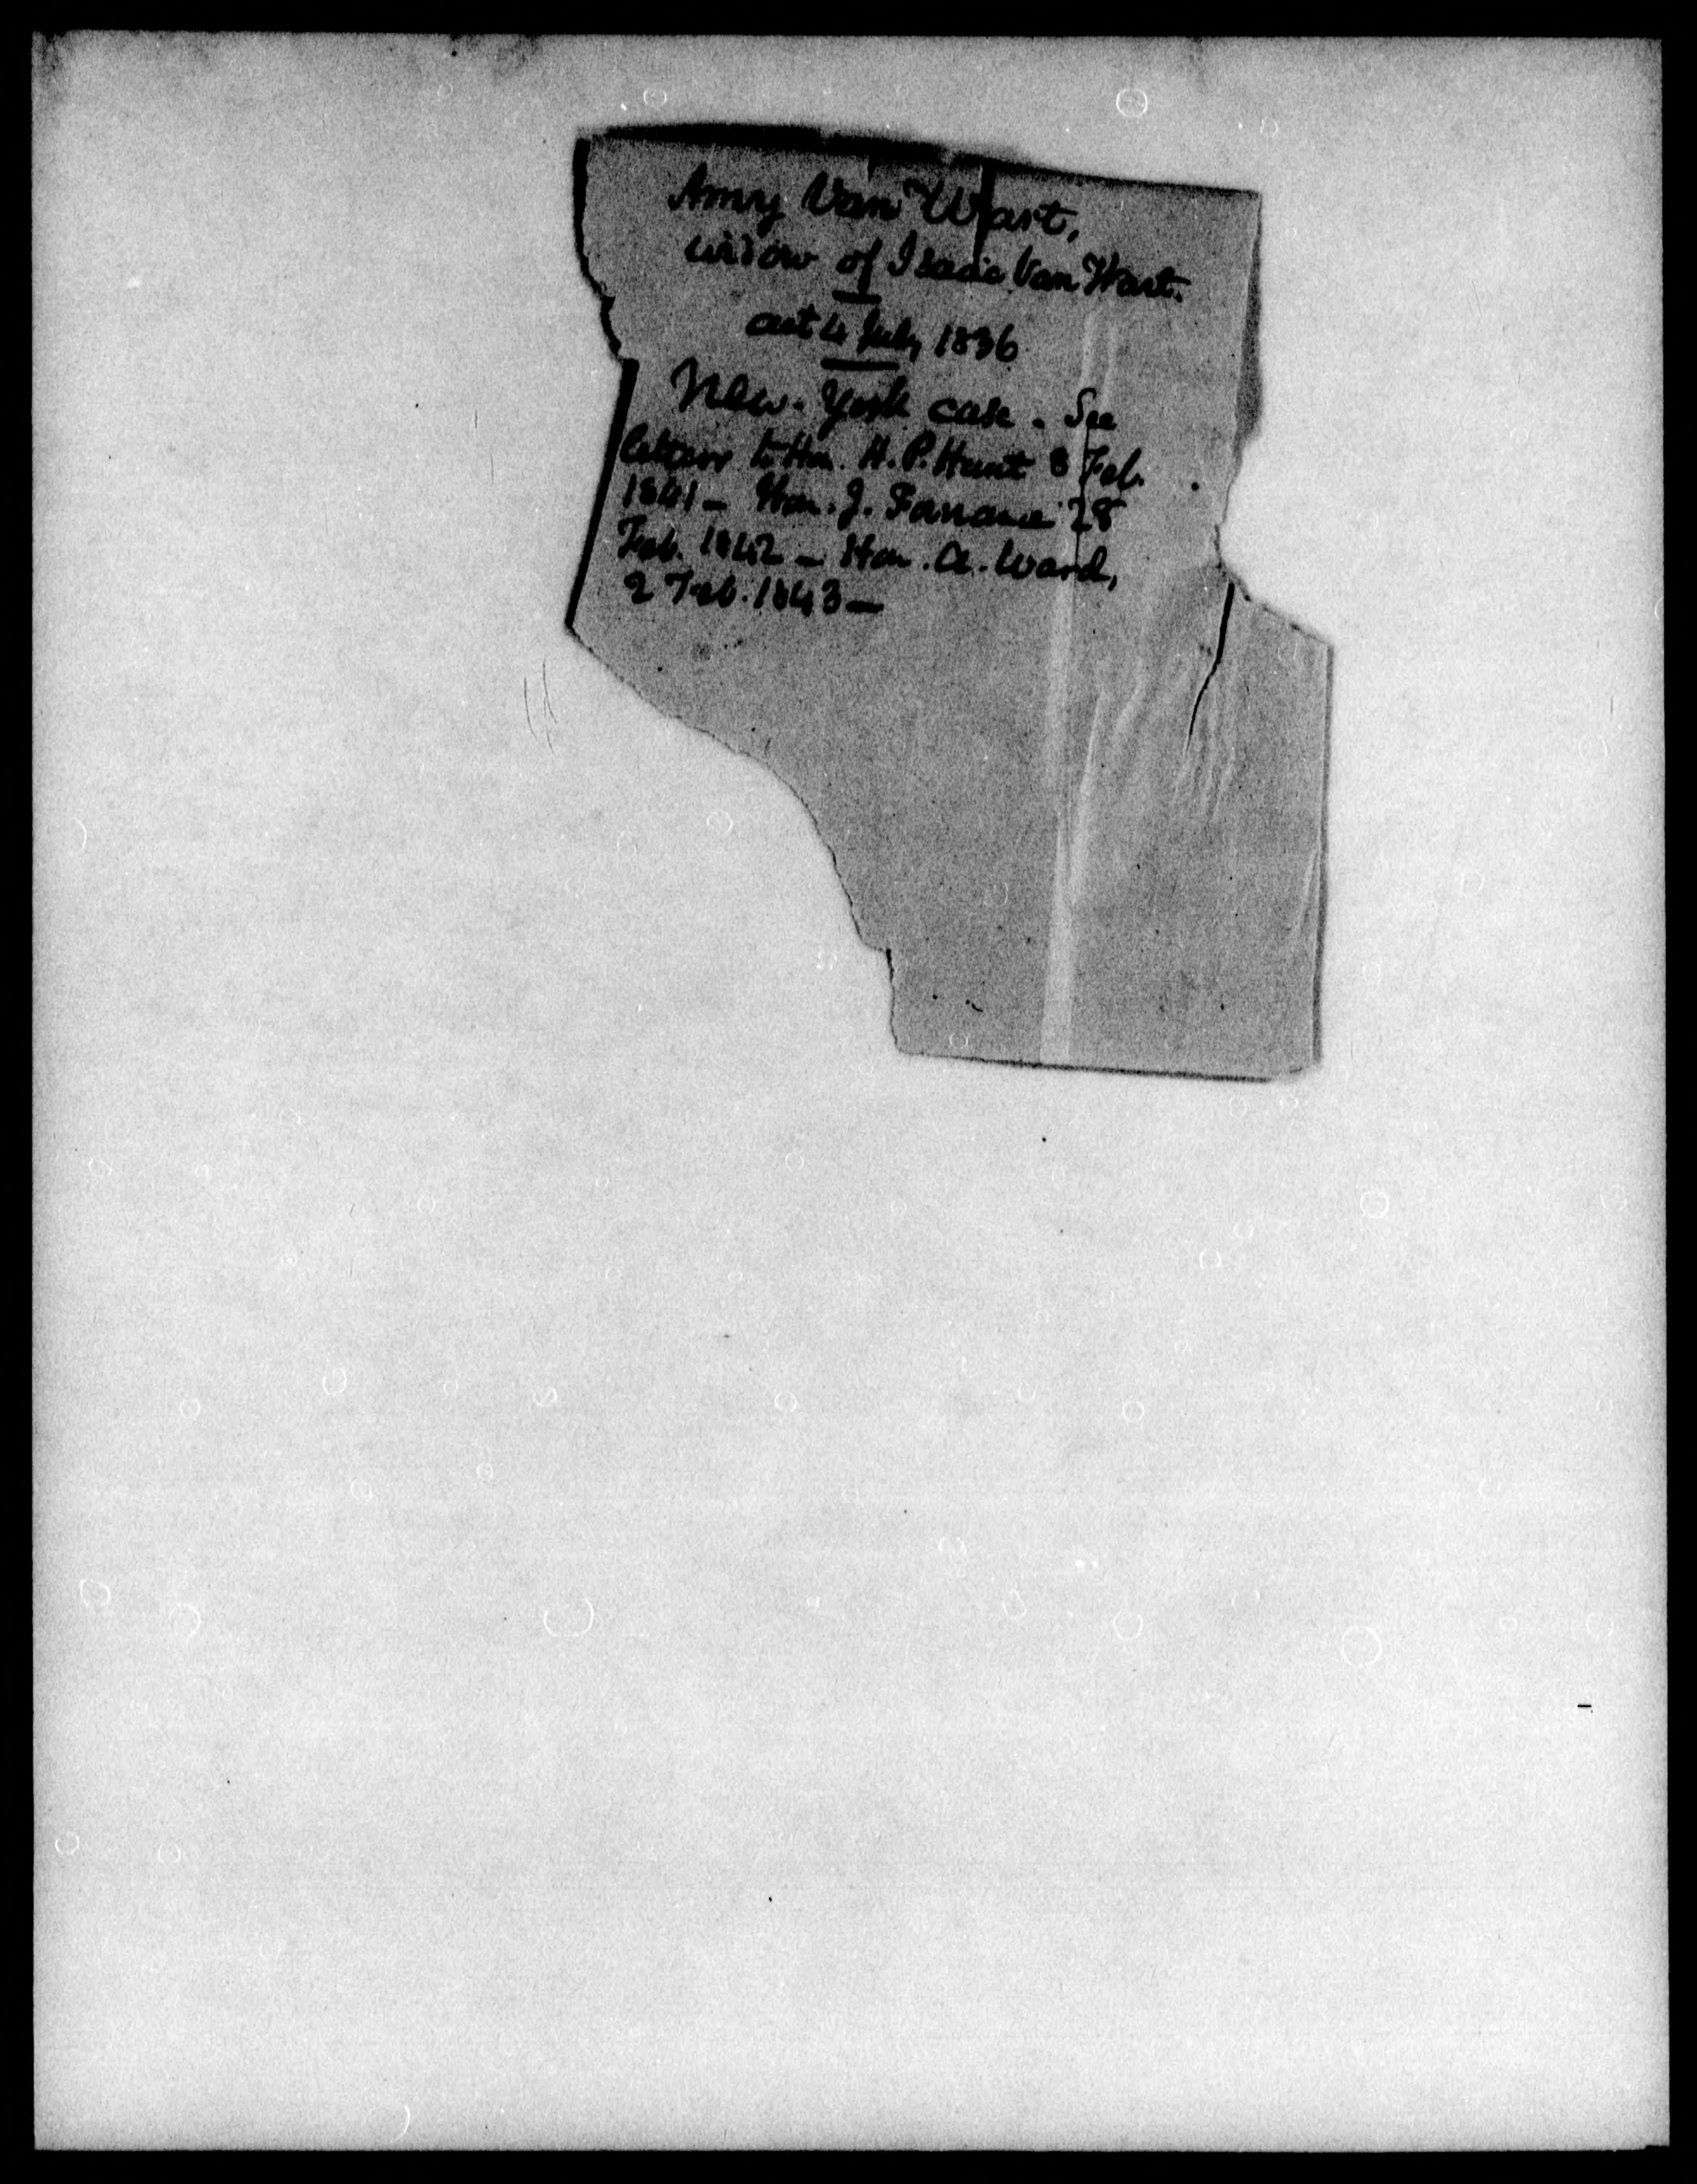Amy Van Wart, Widow of Isaac Van Wart.
act 4 July, 1836
New York case See letter to Hon H. P. Hunt 8 Feb 1841 – Hon J. Fanara 28 Feb 1842 – Hon. A.  Ward, 2 Feb. 1843 -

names: H P Hunt, Isaac Van Wart, J Fanara, A Ward, Amy Van Wart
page: 23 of 102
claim: widow's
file: W. 18239, Isaac Van Wart, New York